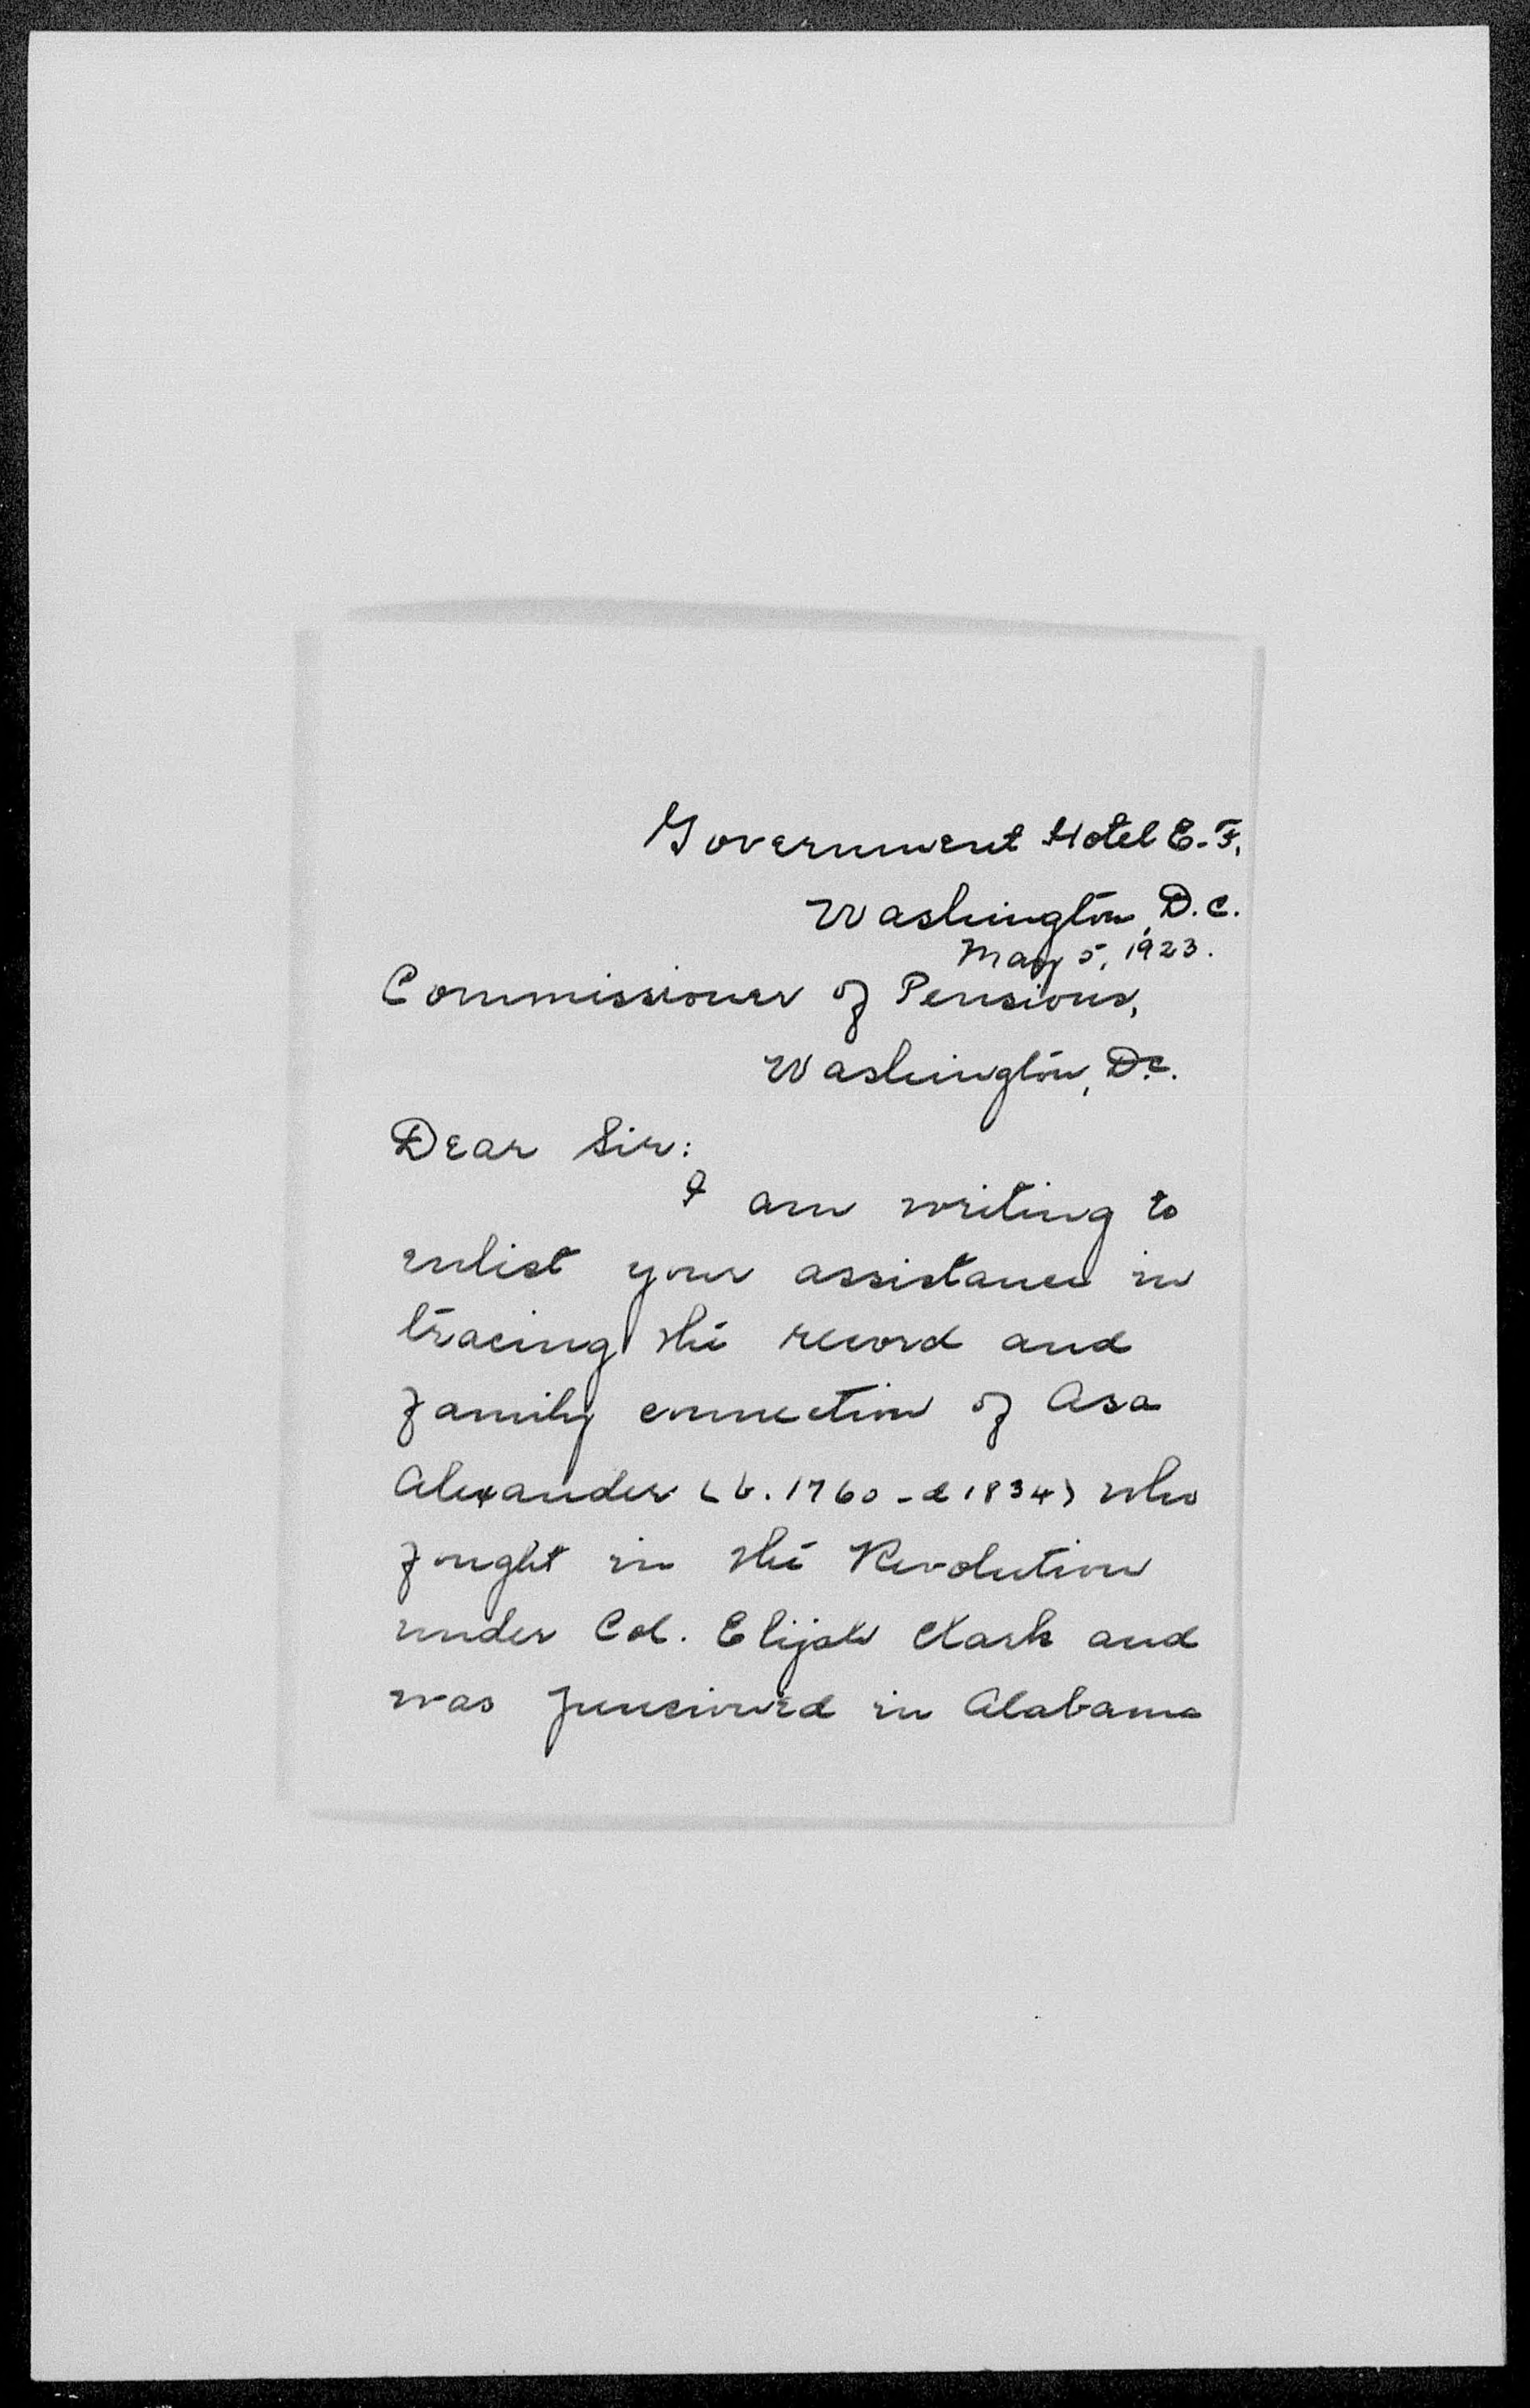Government Hotel E.F.
Washington D.C.
May 5, 1923

Commissioner of Pensions,
Washington, D.C.

Dear Sir:

I am writing to 
enlist your assistance in 
tracing the record and 
family connection of Asa 
Alexander (b. 1760 - d. 1834) who 
fought in the Revolution 
under Col. Elijah Clark and 
was pensioned in Alabama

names: Asa Alexander, Elijah Clark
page: 32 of 35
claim: survivor's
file: S. 32092, Asa Alexander, Ga.